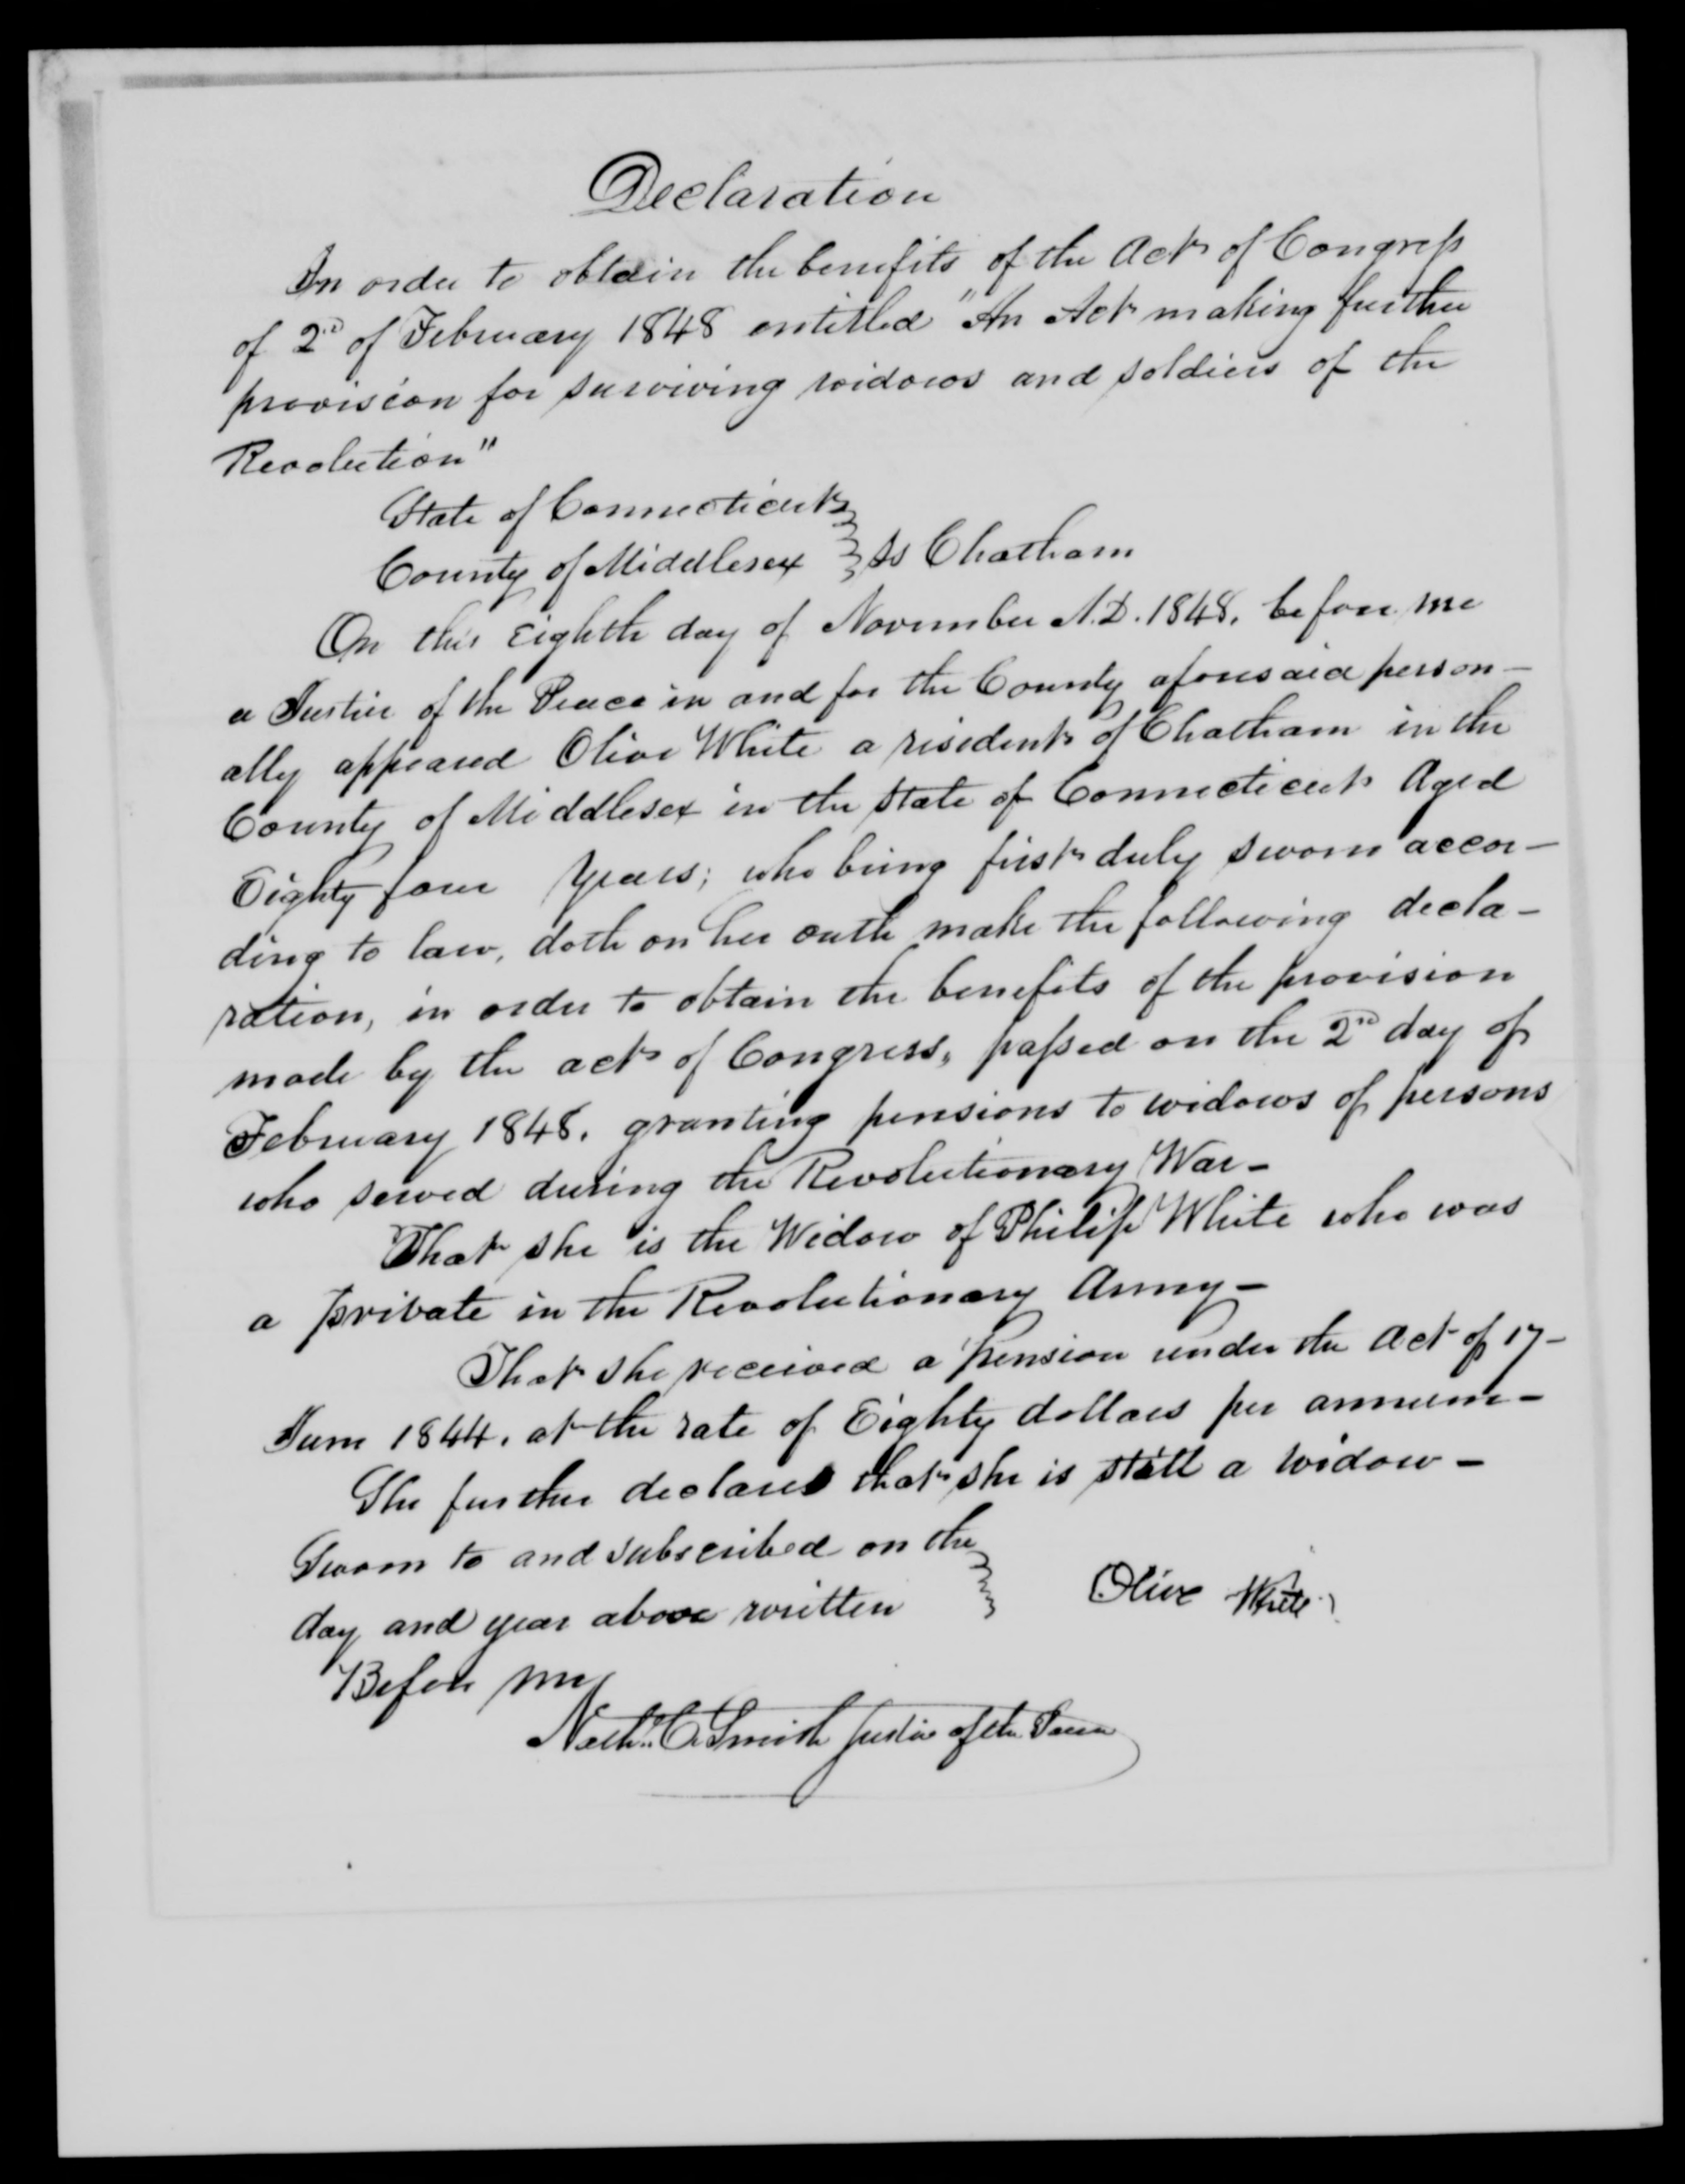Declaration
In order to obtain the benefits of the Act of Congress
of 2d of February 1848 entitled "An Act making further
provision for surviving widows and soldiers of the
Revolution"
State of Connecticut
County of Middlesex SS Chatham
On this Eighth day of November A.D. 1848, before me
Justice of the Peace in and for the County aforesaid 
personally appeared Olive White a resident of Chatham in the
County of Middlesex in the State of Connecticut aged
Eighty four years; who being first duly sworn according
to law, doth on her oath make the following declaration,
in order to obtain the benefits of the provision
made by the act of Congress, passed on the 2d day of
February 1848. granting pensions to widows of persons
who served during the Revolutionary War _
That she is the Widow of Philip White who was
a private in the Revolutionary Army _
That she received a pension under the act of 17 _
June 1844, at the rate of Eighty dollars per annum _
She further declares that she is still a widow _
Sworn to and subscribed on the
day and year above written
Olive White
Before me 
Nathl C smith Justice of the Peace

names: Nathl C Smith, Philip White, Olive White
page: 45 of 50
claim: widow's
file: W. 25,969, Philip White, Conn.